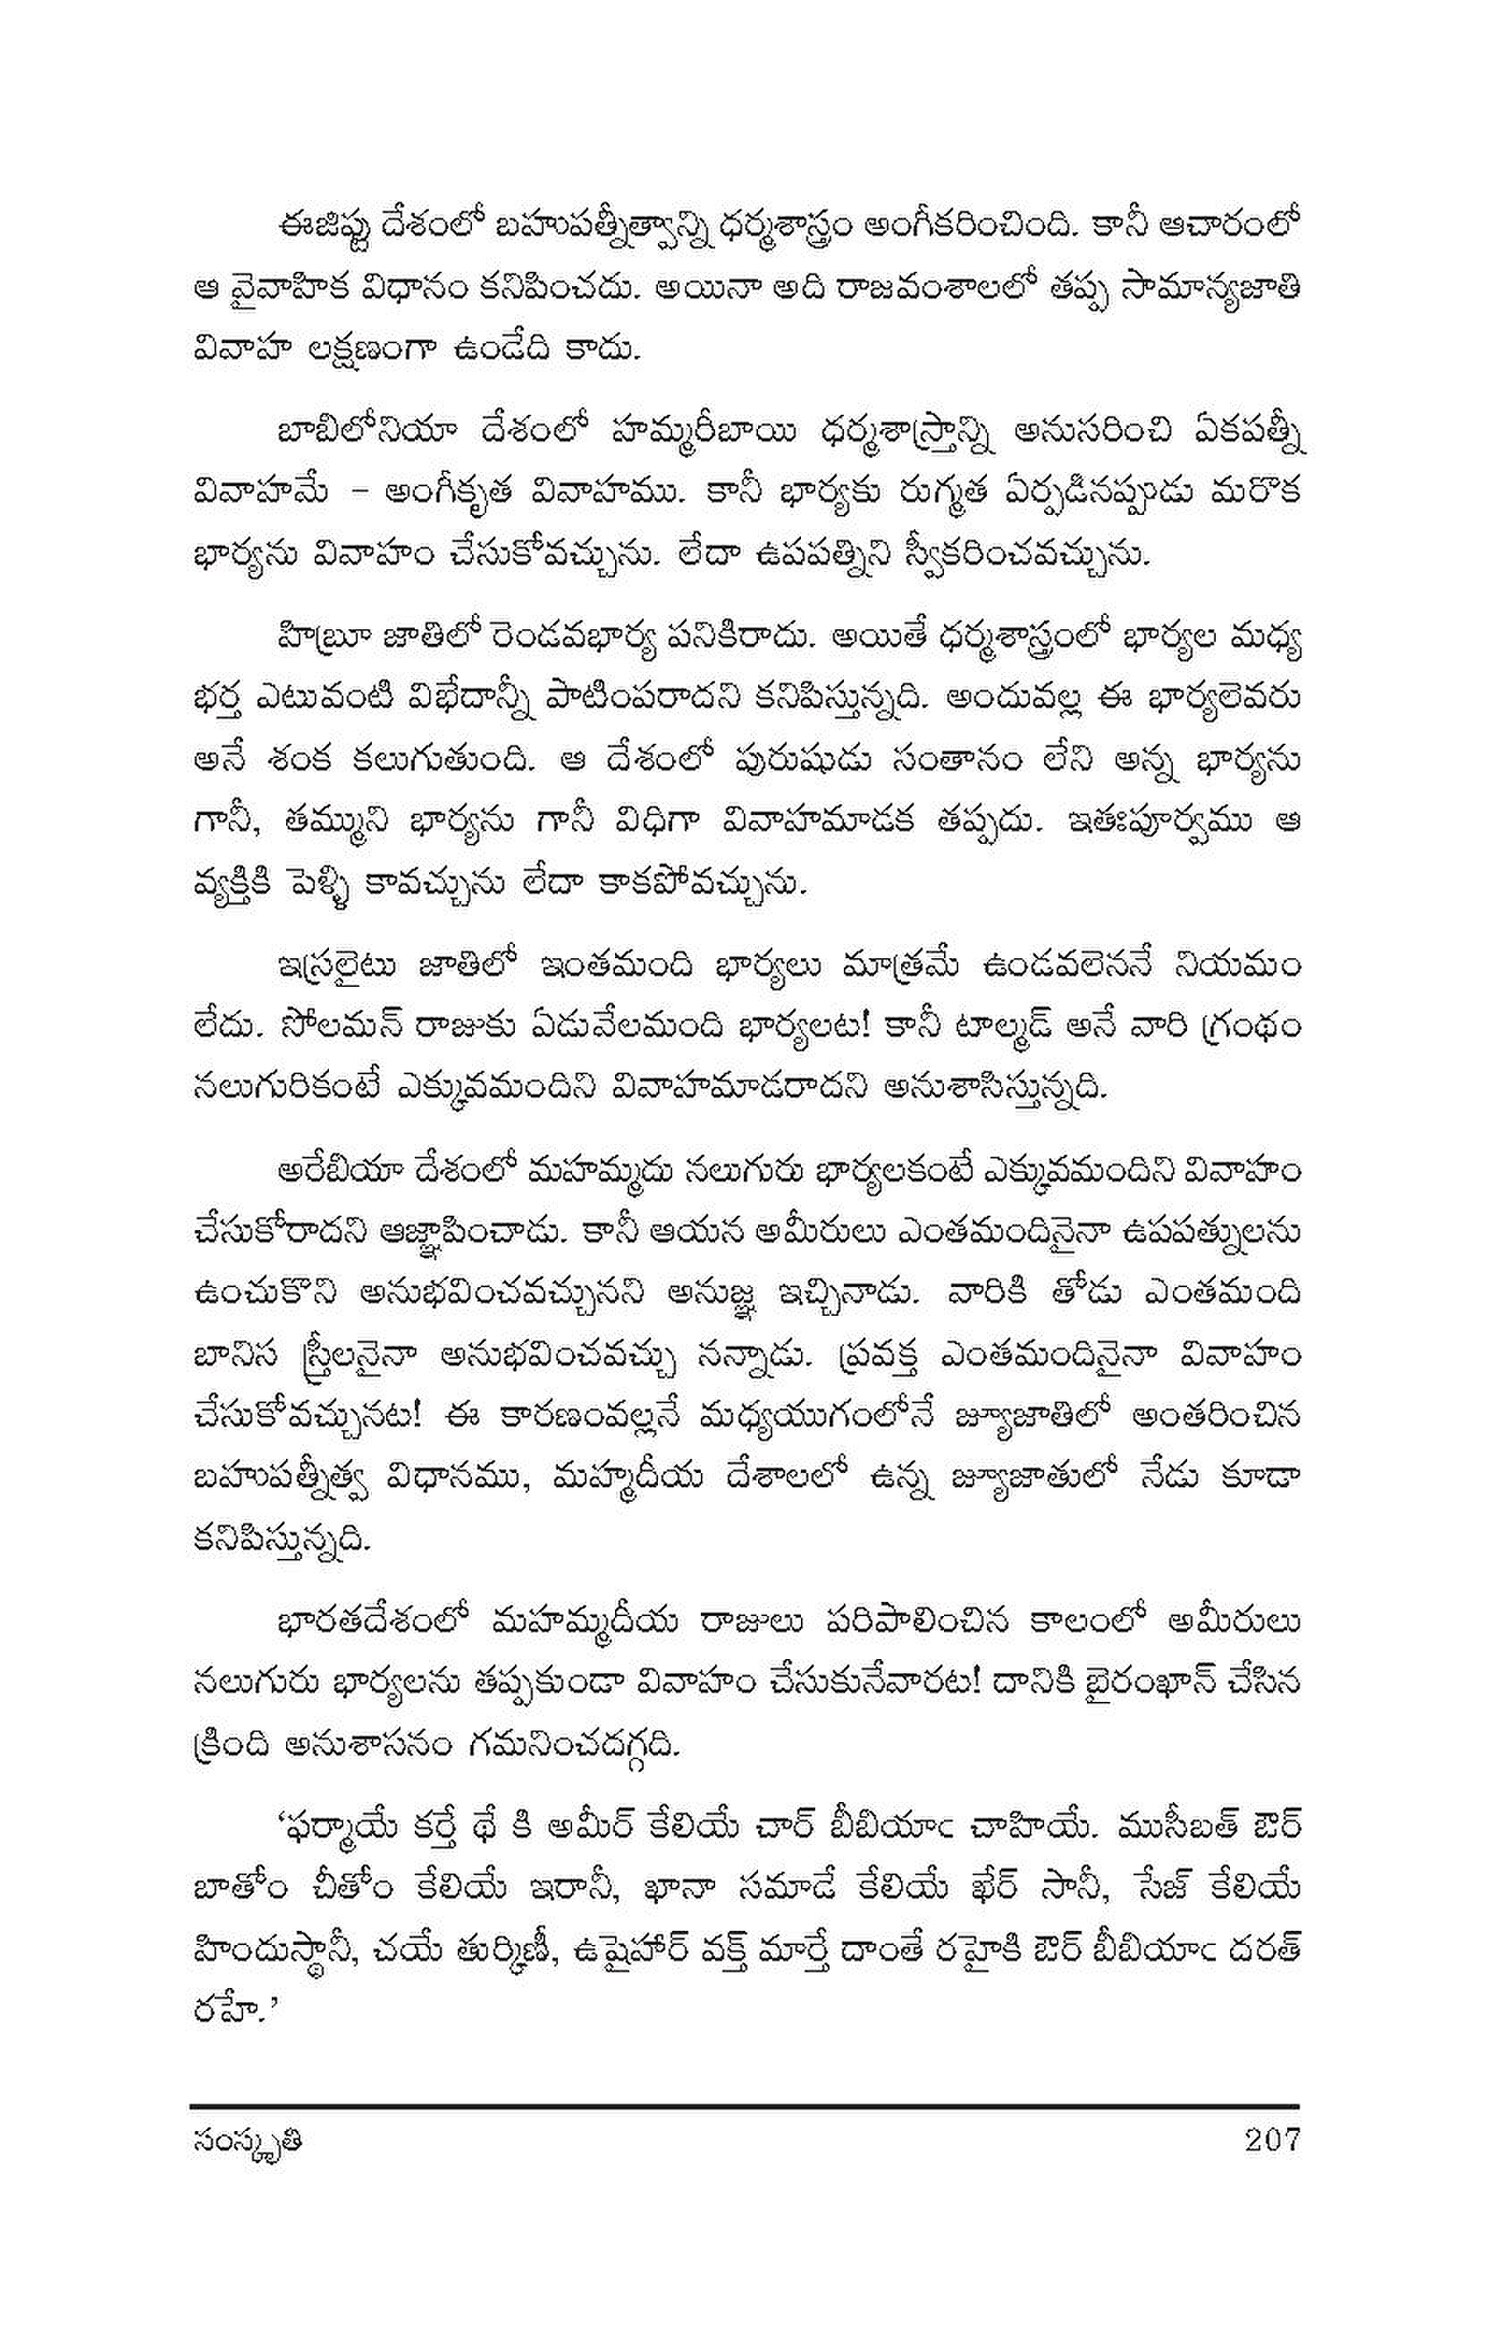ఈజిప్టు దేశంలో బహుపత్నీత్వాన్ని ధర్మశాస్త్రం అంగీకరించింది. కానీ ఆచారంలో
ఆ వైవాహిక విధానం కనిపించదు. అయినా అది రాజవంశాలలో తప్ప సామాన్యజాతి
వివాహ లక్షణంగా ఉండేది కాదు.

బాబిలోనియా దేశంలో హమ్మరీబాయి ధర్మశాస్త్రాన్ని అనుసరించి ఏకపత్నీ
వివాహమే - అంగీకృత వివాహము. కానీ భార్యకు రుగ్మత ఏర్పడినప్పుడు మరొక
భార్యను వివాహం చేసుకోవచ్చును. లేదా ఉపపత్నిని స్వీకరించవచ్చును.

హిబ్రూ జాతిలో రెండవభార్య పనికిరాదు. అయితే ధర్మశాస్త్రంలో భార్యల మధ్య
భర్త ఎటువంటి విభేదాన్నీ పాటింపరాదని కనిపిస్తున్నది. అందువల్ల ఈ భార్యలెవరు
అనే శంక కలుగుతుంది. ఆ దేశంలో పురుషుడు సంతానం లేని అన్న భార్యను
గానీ, తమ్ముని భార్యను గానీ విధిగా వివాహమాడక తప్పదు. ఇతఃపూర్వము ఆ
వ్యక్తికి పెళ్ళి కావచ్చును లేదా కాకపోవచ్చును.

ఇస్రలైటు జాతిలో ఇంతమంది భార్యలు మాత్రమే ఉండవలెననే నియమం
లేదు. సోలమన్ రాజుకు ఏడువేలమంది భార్యలట! కానీ టాల్మడ్ అనే వారి గ్రంథం
నలుగురికంటే ఎక్కువమందిని వివాహమాడరాదని అనుశాసిస్తున్నది.

అరేబియా దేశంలో మహమ్మదు నలుగురు భార్యలకంటే ఎక్కువమందిని వివాహం
చేసుకోరాదని ఆజ్ఞాపించాడు. కానీ ఆయన అమీరులు ఎంతమందినైనా ఉపపత్నులను
ఉంచుకొని అనుభవించవచ్చునని అనుజ్ఞ ఇచ్చినాడు. వారికి తోడు ఎంతమంది
బానిస స్త్రీలనైనా అనుభవించవచ్చు నన్నాడు. ప్రవక్త ఎంతమందినైనా వివాహం
చేసుకోవచ్చునట! ఈ కారణంవల్లనే మధ్యయుగంలోనే జ్యూజాతిలో అంతరించిన
బహుపత్నీత్వ విధానము, మహ్మదీయ దేశాలలో ఉన్న జ్యూజాతులో నేడు కూడా
కనిపిస్తున్నది.

భారతదేశంలో మహమ్మదీయ రాజులు పరిపాలించిన కాలంలో అమీరులు
నలుగురు భార్యలను తప్పకుండా వివాహం చేసుకునేవారట! దానికి బైరంఖాన్ చేసిన
క్రింది అనుశాసనం గమనించదగ్గది.
'ఫర్మాయే కర్తే థే కి అమీర్ కేలియే చార్ బీబియాఁ చాహియే. ముసీబత్ ఔర్
బాతోం చీతోం కేలియే ఇరానీ, ఖానా సమాడే కేలియే ఖేర్ సానీ, సేజ్ కేలియే
హిందుస్థానీ, చయే తుర్కిణీ, ఉషైహార్ వక్త్ మార్తే దాంతే రహైకి ఔర్ బీబియాఁ దరత్
రహే